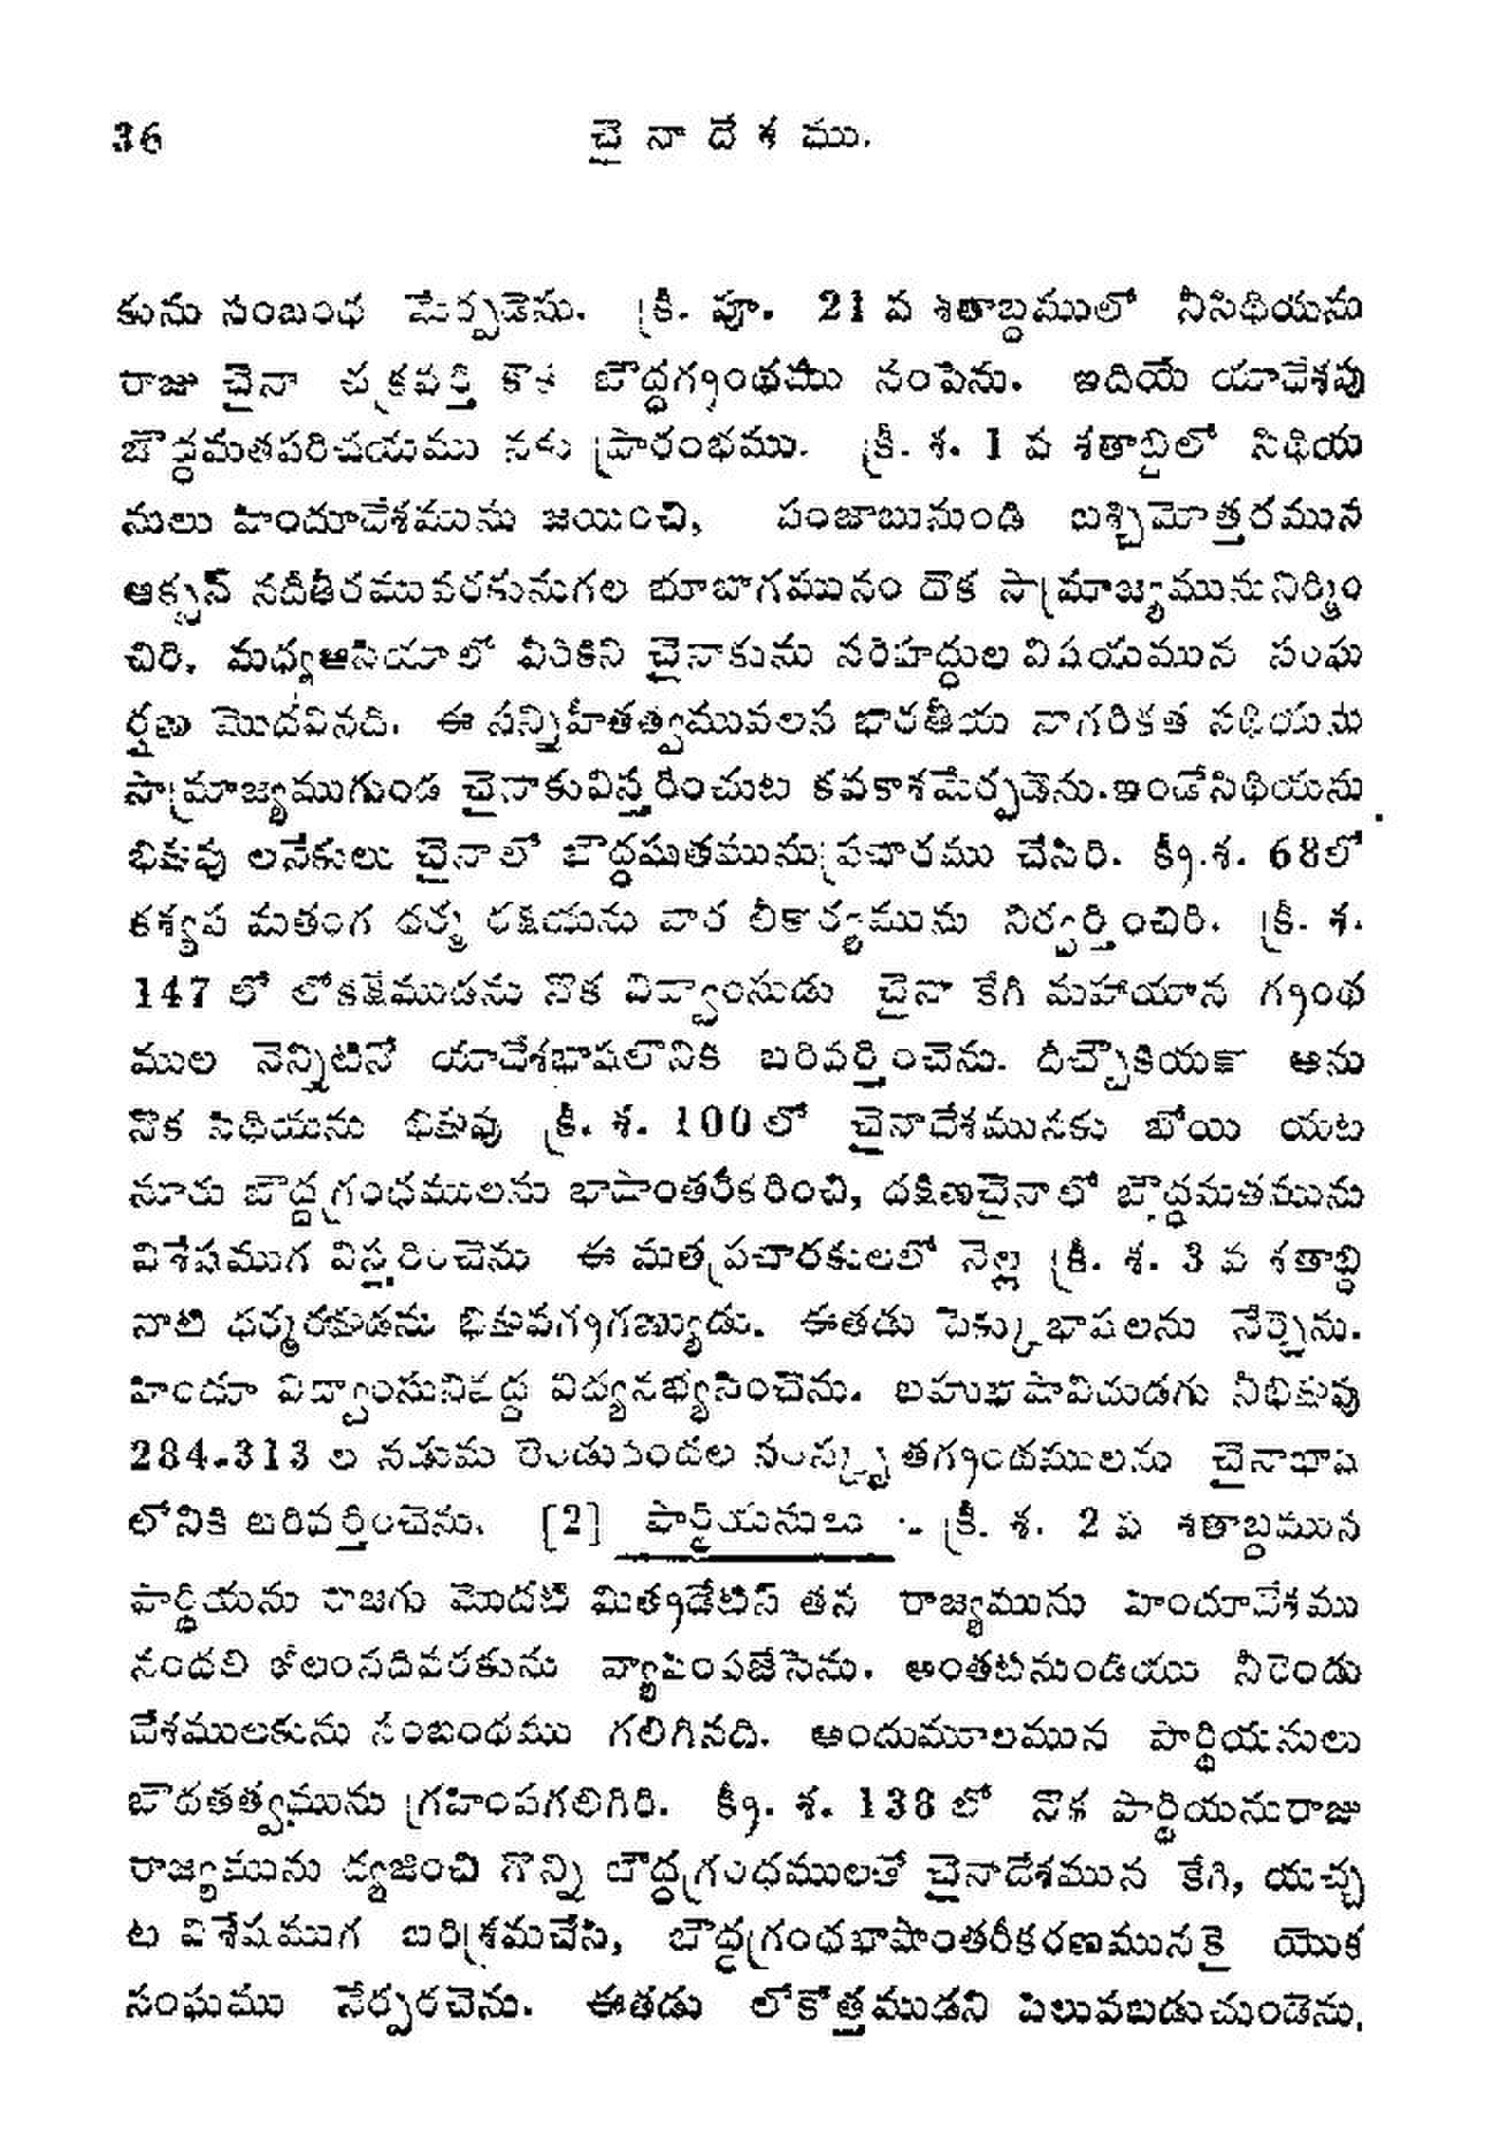కును సంబంధ మేర్పడెను. క్రీ. పూ. 21 వ శతాబ్దములో నీసిథియను రాజు చైనా చక్రవర్తి కొక బౌద్దగ్రంథము నంపెను. ఇదియే యాదేశపు బౌద్దమతపరిచయమునకు ప్రారంభము. క్రీ. శ. 1 వ శతాబ్దిలో సిథియనులు హిందూదేశమును జయించి, పంజాబునుండి బశ్చిమోత్తరమున ఆక్సన్ నదీతీరమువరకునుగల భూభాగమునం దొక సామ్రాజ్యమును నిర్మించిరి. మధ్యఆసియాలో వీరికిని చైనాకును సరిహద్దుల విషయమున సంఘర్షణ మొదవినది. ఈ సన్నిహీతత్వమువలన భారతీయ నాగరికత సథియను సామ్రాజ్యముగుండ చైనాకువిస్తరించుట కవకాశమేర్పడెను. ఇండోసిథియను భిక్షువు లనేకులు చైనాలో బౌద్దమతమును ప్రచారము చేసిరి. క్రీ. శ. 68 లో కశ్యప మతంగ ధర్మ రక్షయను వార లీకార్యమును నిర్వర్తించిరి. క్రీ. శ. 147 లో లోకక్షేముడను నొక విద్వాంసుడు చైనా కేగి మహాయాన గ్రంథముల నెన్నిటినో యాదేశభాషలోనికి బరివర్తించెను. దీచ్చౌకియన్ అను నొక సిథియను భిక్షువు క్రీ. శ. 100 లో చైనాదేశమునకు బోయి యట నూరు బౌద్దగ్రంథములను భాషాంతరీకరించి, దక్షిణచైనాలో బౌద్దమతమును విశేషముగ విస్తరించెను. ఈ మతప్రచారకులలో నెల్ల క్రీ. శ. 3 వ శతాబ్దినాటి ధర్మరక్షుడను భిక్షువగ్రగణ్యుడు. ఈతడు పెక్కుభాషలను నేర్చెను. హిందూ విద్వాంసునివద్ద విద్యనభ్యసించెను. బహుభాషావిదుడగు నీభిక్షువు 284-313 ల నడుమ రెండువందల సంస్కృతగ్రంథములను చైనాభాషలోనికి బరివర్తించెను. (2) పార్థియనులు :- క్రీ. శ. 2 వ శతాబ్దమున పార్థియను రాజగు మొదటి మిత్రడేటిస్ తన రాజ్యమును హిందూదేశమునందలి జీలంనదివరకును వ్యాపింపజేసెను. అంతటినుండియు నీరెండు దేశములకును సంబంధము గలిగినది. అందుమూలమున పార్థియనులు బౌద్దతత్వమును గ్రహింపగలిగిరి. క్రీ. శ. 138 లో నొక పార్థియనురాజు రాజ్యమును ద్యజించి గొన్ని బౌద్దగ్రంథములతో చైనాదేశమున కేగి, యచ్చట విశేషముగ బరిశ్రమచేసి, బౌద్దగ్రంథ భాషాంతరీకరణమునకై యొక సంఘము నేర్పరచెను. ఈతడు లోకోత్తముడని పిలువబడుచుండెను.